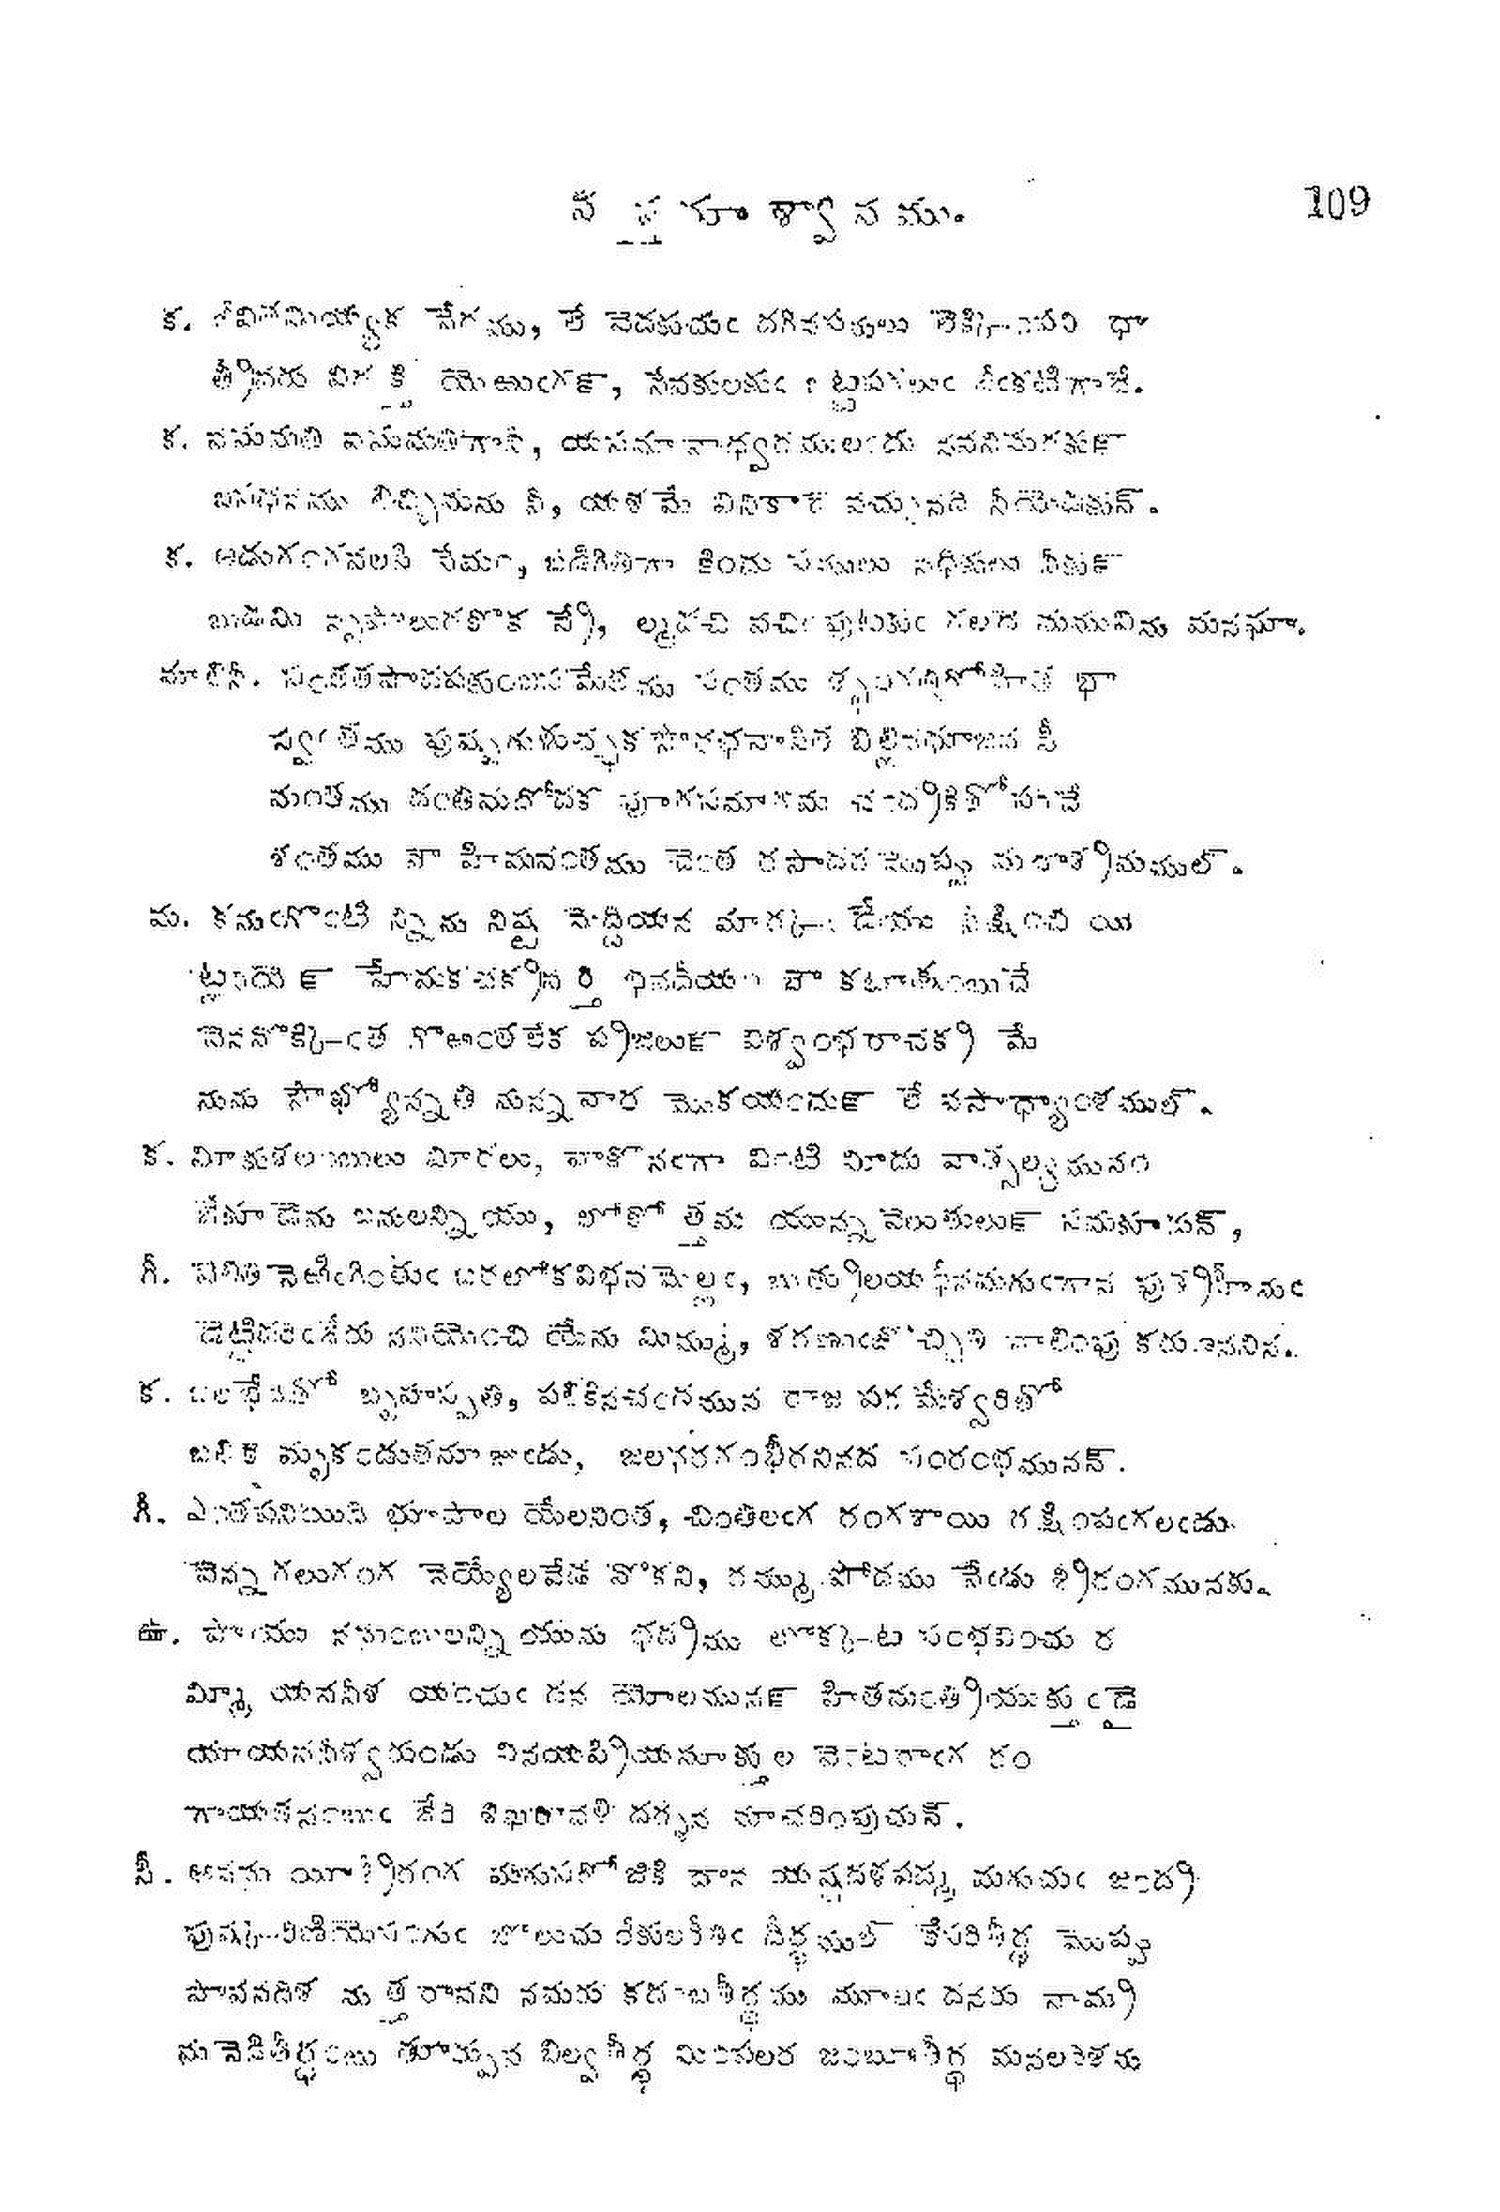క. జీవిత మియ్యక నేరము, లే వెదకుచుఁ దగినపనులు లెక్కింపని ధా
 త్రీవరు విరక్తి యెఱుఁగన్, సేవకులకుఁ బట్టపగలుఁ జీఁకటిగాదే.
క. వసుమతి వసుమతిగానీ, యసమానాధ్వరములందు నవనిసురకున్
 బసధనము లిచ్చిమను నీ, యశమే వినికాదె వచ్చునది నీయెడకున్.
క. అడుగంగవలసి సేమం, బడిగితిగా కిందు సములు నధికులు నీకున్
 బుడమి నృపాలురకొక వ్రే, ల్మడచి వచింపుటకుఁ గలదె మము విను మనఘా.
మాలిని. సంతతపాదకుంజరసమేతము సంతము శృంగతిరోహిత భా
 స్వంతము పుష్పగుళుచ్ఛకసౌరభనాసిత బిల్లివధూదన సీ
 మంతము దంతిమదోదక పూగసమాగమ చంద్రకితోసరివే
 శంతము నౌ హిమవంతము చెంత రసాదర మొప్పు మదాశ్రమముల్.
మ. కనుఁగొంటి నిను నిష్ట మెద్దియన మార్కండేయు నీక్షించి యి
 ట్లనియెన్ హేమకచక్రవర్తి భవదీయం బౌ కటాక్షంబుచే
 నెననొక్కింత గొఱంతలేక ప్రజలున్ విశ్వంభరాచక్ర మే
 నును సౌఖ్యోన్నతి నున్నవార మొకయందున్ లే వసాధ్యాంశముల్.
క. మీకుశలంబులు మీరలు, వాకొనఁగా వింటి మీదు వాత్సల్యమునం
 జేకూడెను బనులన్నియు, లోకోత్తమ యున్నవెలుతులున్ సమకూరున్.
గీ. వెలితి నెఱిఁగింతుఁ బరలోకవిభవమెల్లఁ, బుత్రులయధీనమగుఁగాన పుత్రహీనుఁ
 డెట్టిదరిఁజేరు నని యెంచి యేను మిమ్ము, శరణుఁజొచ్చితి నాలింపు కరుణ ననిన.
క. బలభేదితో బృహస్పతి, పలికినచందమున రాజ పరమేశ్వరితో
 బలికె మృకండుతనూజుఁడు, జలచరగంభీరనినద సంరంభమునన్.
గీ. ఎంతపనియిది భూపాల యేలనింత, చింతిలఁగ రంగశాయి రక్షింపఁగలఁడు
 వెన్న గలుగంగ నెయ్యేలవేడ నొకని, రమ్ము పోదము నేఁడు శ్రీరంగమునకు.
ఉ. పాయు నఘంబులన్నియును భద్రము లొక్కట సంభవించు ర
 మ్మీ యవనీశ యంచుఁ దన యోలమునన్ హితమంత్రియుక్తుఁడై
 యాయవనీశ్వరుండు వినయప్రియసూక్తుల వెంటరాఁగ రం
 గాయతనంబు జేరి శిఖరావళి దర్శన మాచరింపుచున్.
సీ. అనఘ శ్రీరంగ మగుసరోజికి దాన యష్టదళపద్మ మగుచుఁ జంద్ర
 పుష్కరిణి యెసంగుఁ బొలుచు రేకులరీతిఁ దీర్థముల్ కేసరితీర్థ మొప్పు
 పావనదిశ నుత్తరావని నమరు కదంబతీర్థము మూలఁ దనరు నామ్ర
 మనెడితీర్థంబు తూర్పున బిల్వతీర్థ మింపలర జంబూతీర్థ మనలదిశను